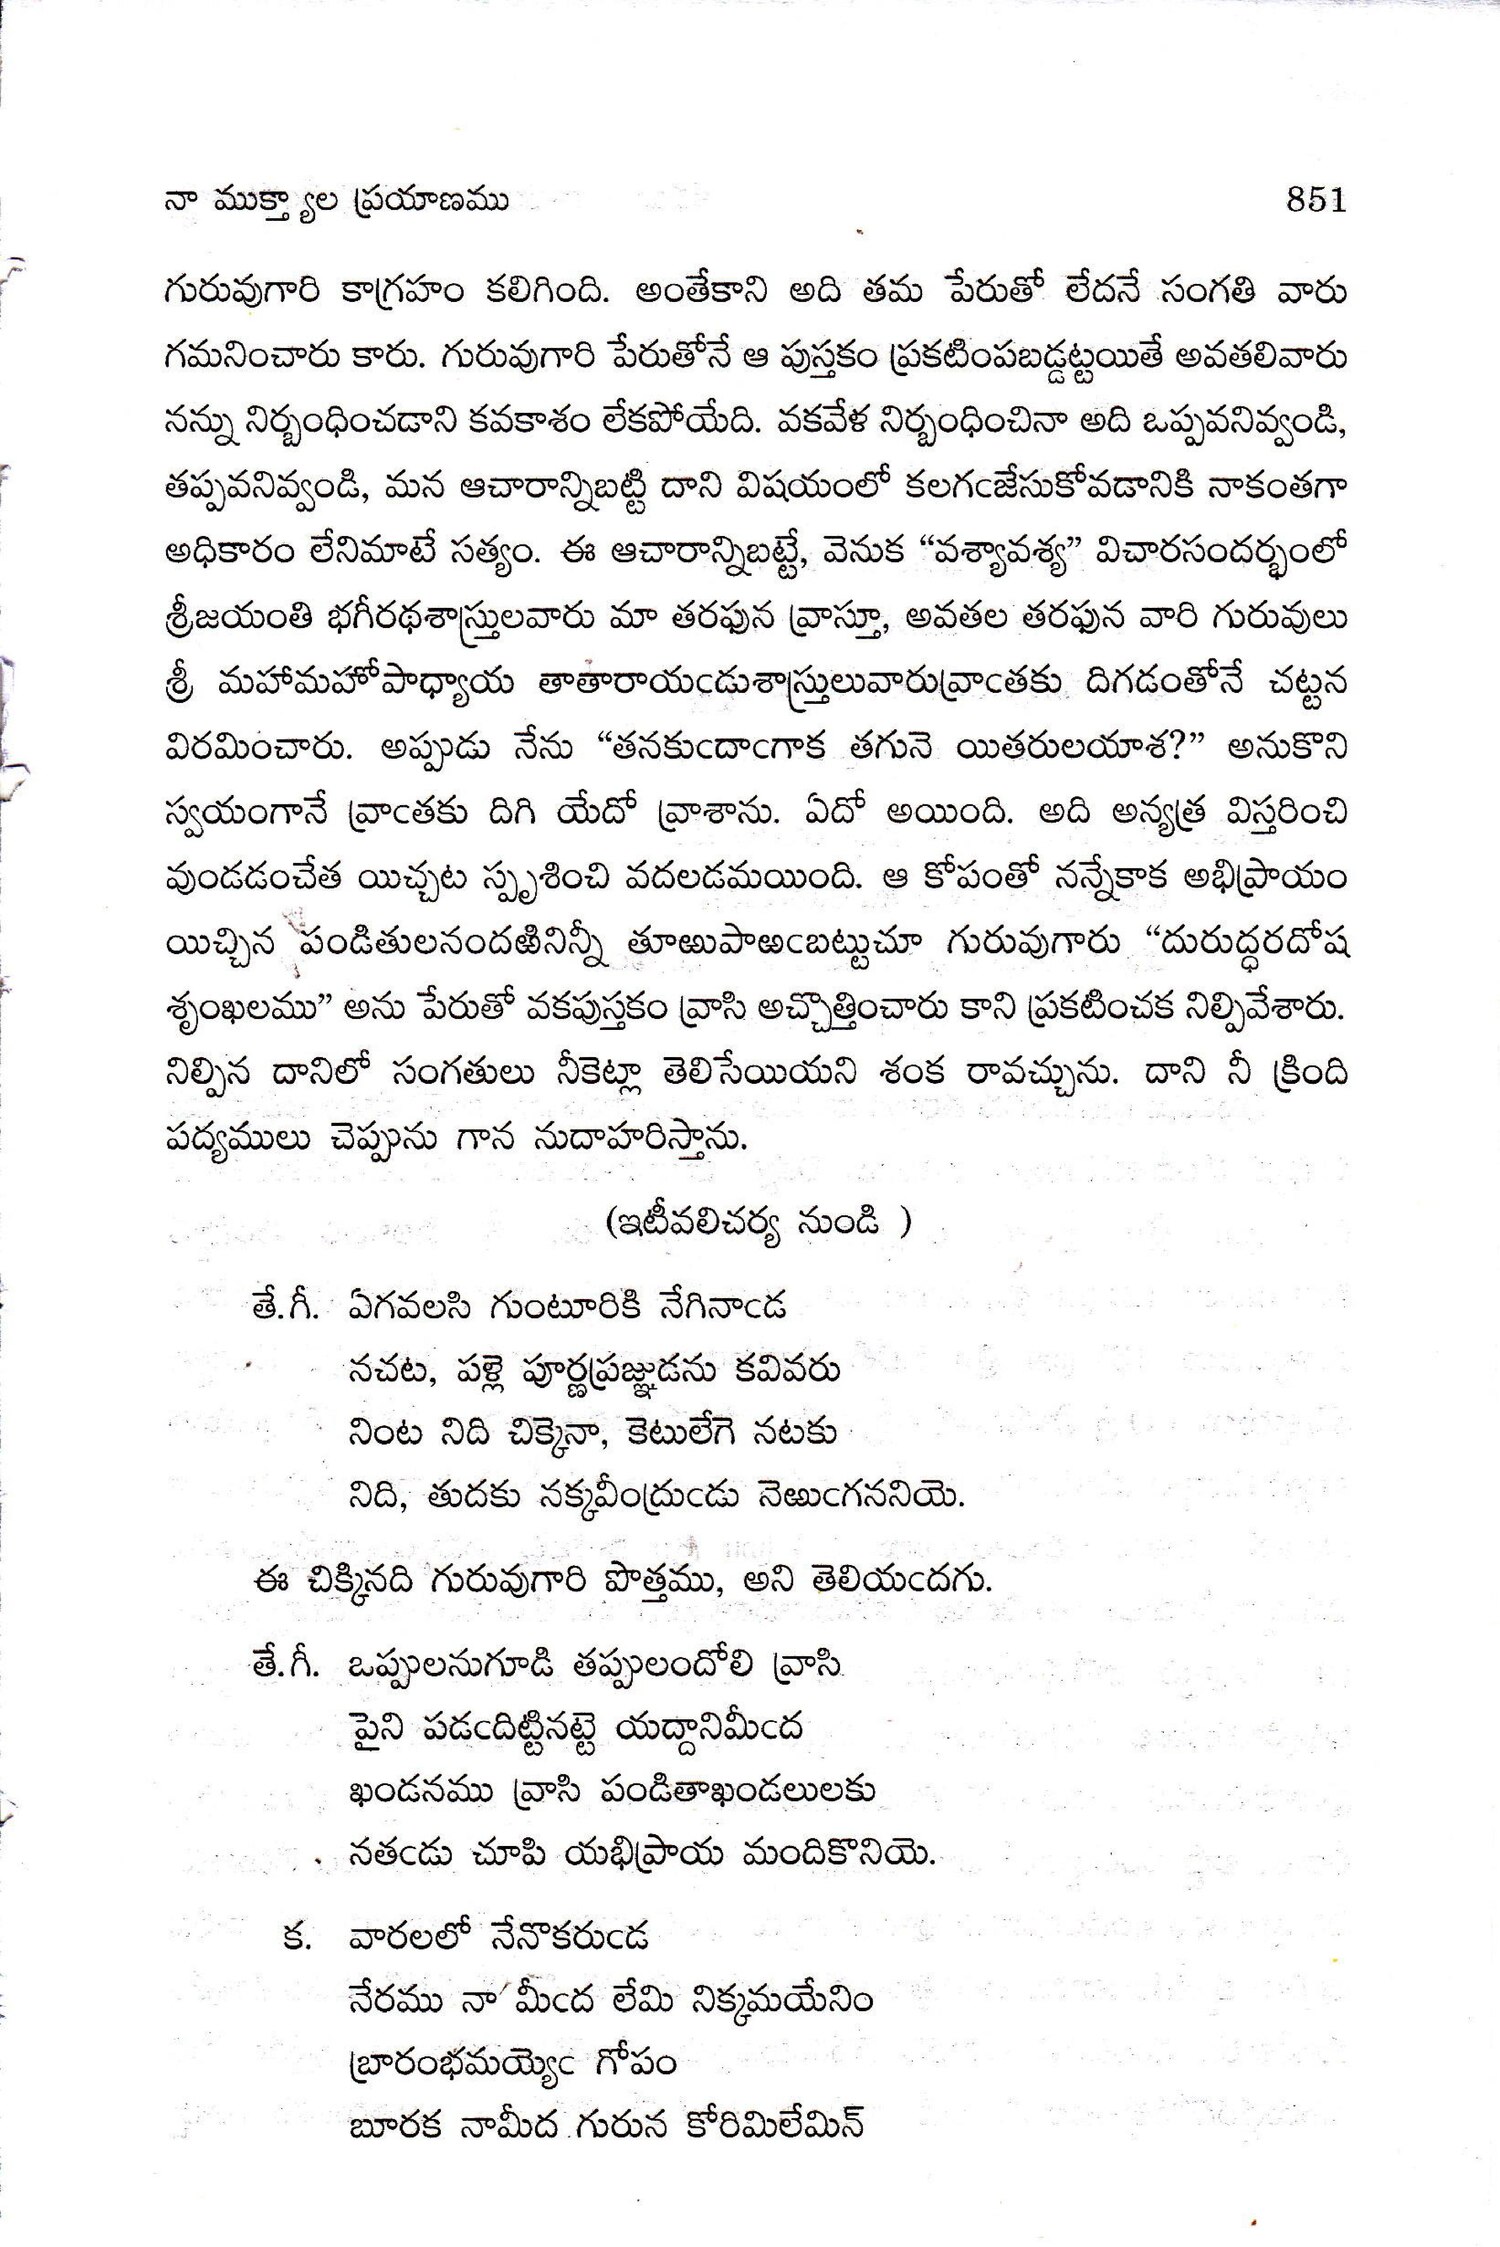గురువుగారి కాగ్రహం కలిగింది. అంతేకాని అది తమ పేరుతో లేదనే సంగతి వారు గమనించారు కారు. గురువుగారి పేరుతోనే ఆ పుస్తకం ప్రకటింపబడ్డట్టయితే అవతలివారు నన్ను నిర్బంధించడాని కవకాశం లేకపోయేది. వకవేళ నిర్బంధించినా అది ఒప్పవనివ్వండి, తప్పవనివ్వండి, మన ఆచారాన్నిబట్టి దాని విషయంలో కలగఁజేసుకోవడానికి నాకంతగా అధికారం లేనిమాటే సత్యం. ఈ ఆచారాన్నిబట్టే, వెనుక “వశ్యావశ్య" విచారసందర్భంలో శ్రీజయంతి భగీరథశాస్త్రులవారు మా తరఫున వ్రాస్తూ, అవతల తరఫున వారి గురువులు శ్రీ మహామహోపాధ్యాయ తాతారాయఁడుశాస్త్రులువారువ్రాఁతకు దిగడంతోనే చట్టన విరమించారు. అప్పుడు నేను "తనకుఁదాఁగాక తగునె యితరులయాశ?” అనుకొని స్వయంగానే వ్రాఁతకు దిగి యేదో వ్రాశాను. ఏదో అయింది. అది అన్యత్ర విస్తరించి వుండడంచేత యిచ్చట స్పృశించి వదలడమయింది. ఆ కోపంతో నన్నేకాక అభిప్రాయం యిచ్చిన పండితులనందఱినిన్నీ తూఱుపాఱఁబట్టుచూ గురువుగారు “దురుద్ధరదోష శృంఖలము" అను పేరుతో వకపుస్తకం వ్రాసి అచ్చొత్తించారు కాని ప్రకటించక నిల్పివేశారు. నిల్పిన దానిలో సంగతులు నీకెట్లా తెలిసేయియని శంక రావచ్చును. దాని నీ క్రింది పద్యములు చెప్పును గాన నుదాహరిస్తాను.

తే.గీ. ఏగవలసి గుంటూరికి నేగినాఁడ
 నచట, పళ్లె పూర్ణప్రజ్ఞుడను కవివరు
 నింట నిది చిక్కెనా, కెటులేగె నటకు
 నిది, తుదకు నక్కవీంద్రుఁడు నెఱుఁగననియె.

ఈ చిక్కినది గురువుగారి పొత్తము, అని తెలియఁదగు.

తే.గీ. ఒప్పులనుగూడి తప్పులందోలి వ్రాసి
 పైని పడఁదిట్టినట్టె యద్దానిమీఁద 
 ఖండనము వ్రాసి పండితాఖండలులకు 
 నతఁడు చూపి యభిప్రాయ మందికొనియె.

క. వారలలో నేనొకరుఁడ
 నేరము నా మీఁద లేమి నిక్కమయేనిం 
 బ్రారంభమయ్యెఁ గోపం 
 బూరక నామీద గురున కోరిమిలేమిన్